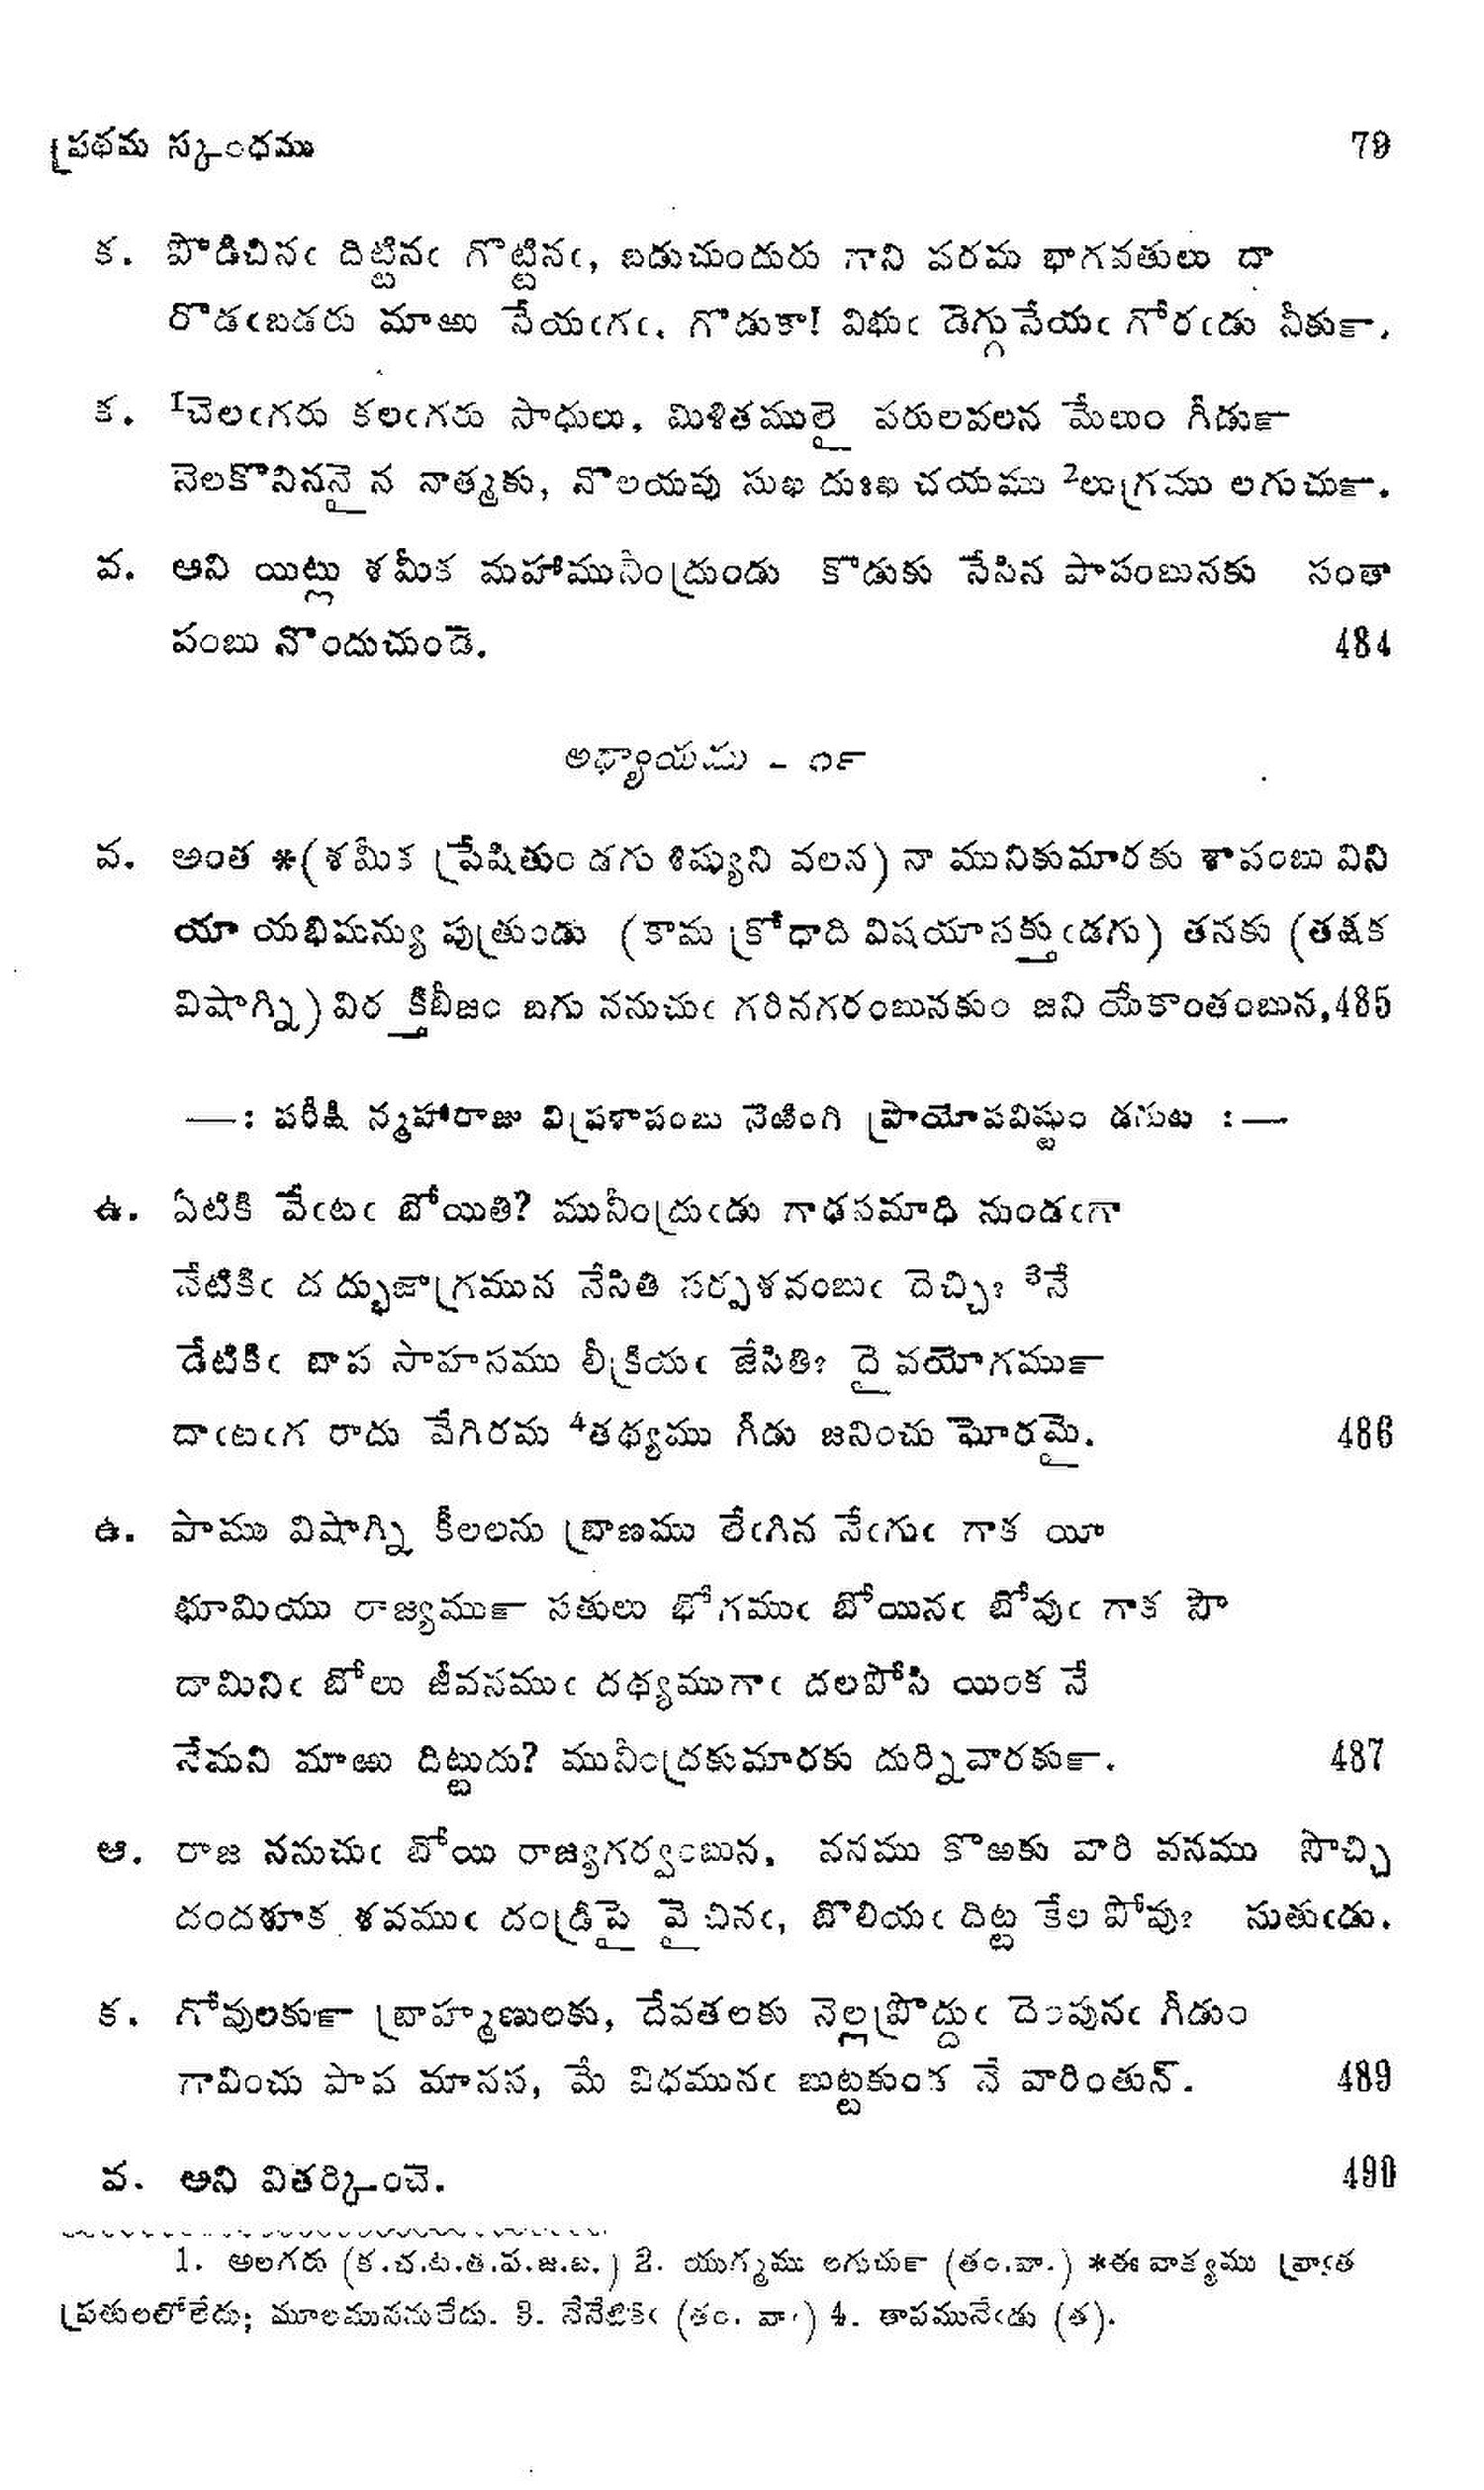79

క. పొడిచినఁ దిట్టినఁ గిట్టినఁ బడుచుందురు గాని పరమ భాగవతులు దా

రొడఁబడరు మాఱు సేయఁగఁ గొడుకా ! విభుఁ డెగ్గుసేయఁ గోరఁడు నీకున్ . (483)

క. చలఁగరు కలఁగరు సాధులు, మిశితములై పరులవలన మేలుం గీడున్

నె;అకొనిననైన నాత్మకు, నొలయవు సుఖ దుఃఖ చయము లుగ్రము లగుచున్.(484)

వ. అని యిట్లు శమీక మహామునీంద్రుండు కొడుకు సేసిన పాపంబునకు సంతాపంబు నొందుచుండె. (485)

వ. అంత* (శమీక ప్రేషితుం డగు శిష్యుని వలన ) నా మునికుమారకు శాపంబు విని యా యభిమన్యు పుత్రుండు ( కామ క్రోధాది విషయాసక్తుఁడగు ) తనకు ( తక్షక విషాగ్ని ) విర క్తిబీజం బగు ననుచుఁ గరినగరంబునకుం జని యేకాంతంబున. (486)

ఉ. ఏటికి వేఁటఁ బోయితి ? మునీంద్రుఁడు గాఢసమాధి నుండఁగా

నేటికిఁ దద్భుజాగ్రమున నేసితి సర్పశవంబుఁ దెచ్చి ? నే

డేటికిఁ బాపసాహసము లీక్రియఁ జేసితి ? దైవయోగమున్

దాఁటఁగ రాదు వేగిరమ తథ్యము గీడు జనించు ఘోరమై. (487)

ఉ. పాము విషాగ్ని కీలలను లేఁగిన నేఁగుఁ గాక యీ

భూమియు రాజ్యమున్ సతులు లోగముఁ బోయినఁ బోపుఁ గాక సౌ

దామినిఁ బోలు జీవనముఁ తథ్యముఁ దలపోసి యింక నే

నేమని మాఱు దిట్టుదు ? మునీంద్రకుమారకు దుర్నివారకున్ . (488)

ఆ. రాజు ననుచుఁ బోయి రాజ్యగర్వంబున, వనము కొఱకు వారి వనము సొచ్చి

దందశూక శవముఁ దండ్రిపై వైచినఁ, బొలియఁ దిట్ట కేల పోవు ? సుతుఁడు. (489)

క. గోవులకున్ బ్రాహ్మణులకు, దేవతలకు నెల్లప్రొద్దుఁ దెంపునఁ గీడుం

గావించు పాప మానస, మే విధమునఁ, బుట్టకుండ నే వారింతున్. (490)

వ. అని వితర్కించె. (491)